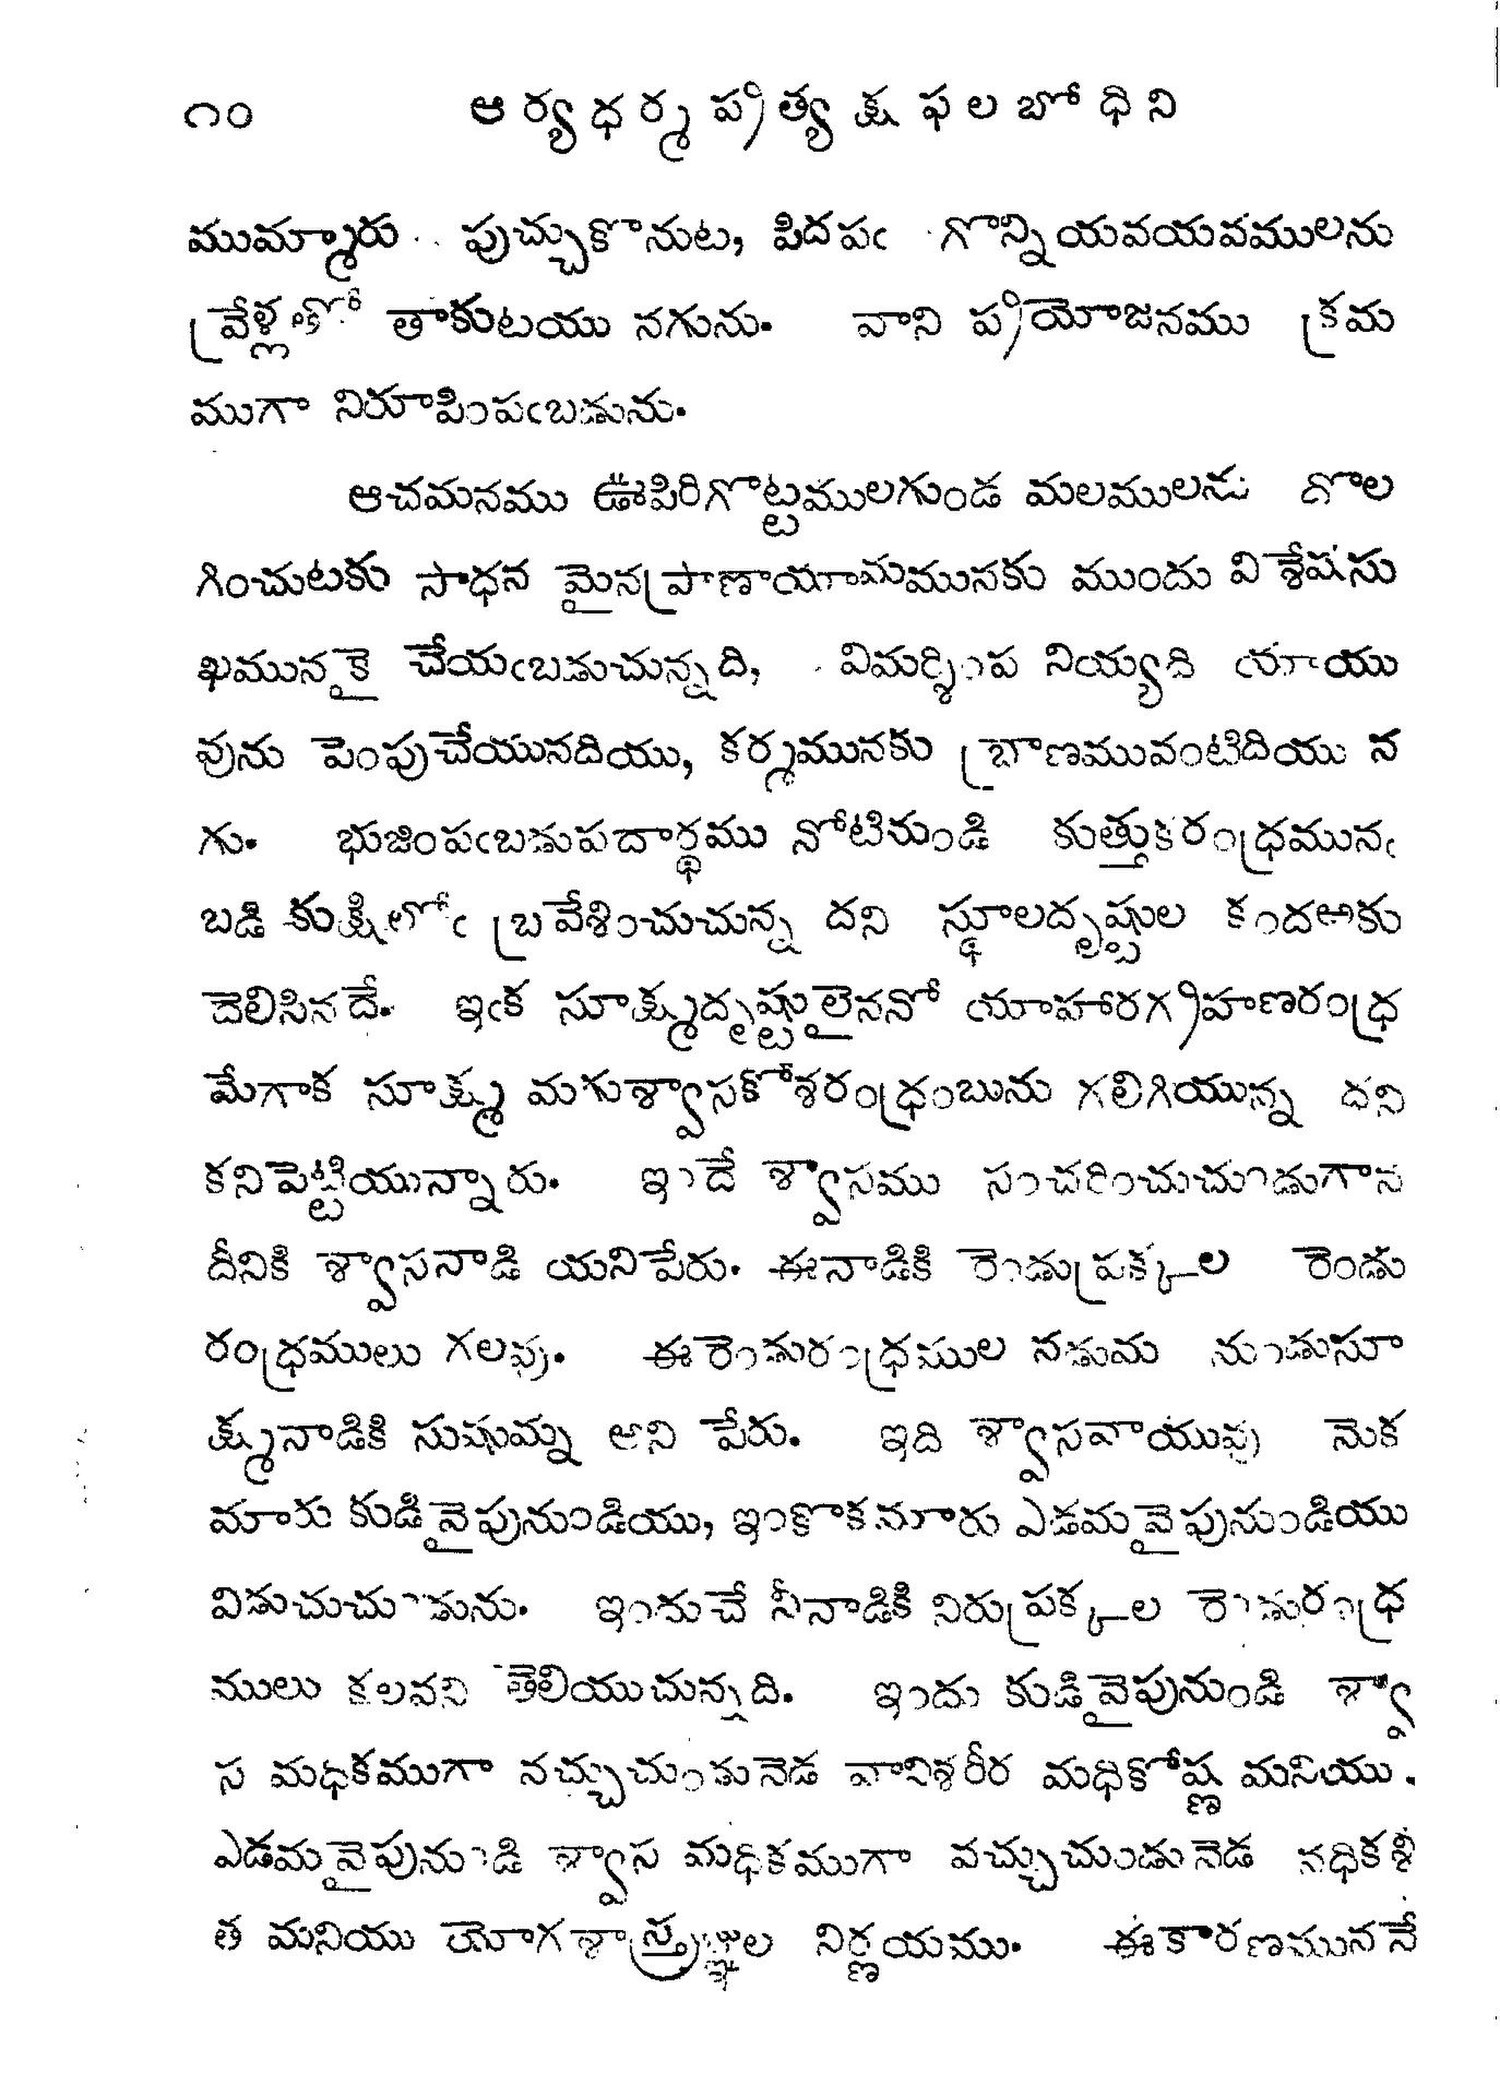ముమ్మారు పుచ్చుకొనుట, పిదపఁ గొన్నియవయవములను వ్రేళ్లతో తాకుటయు నగును. వాని ప్రయోజనము క్రమముగా నిరూపింపఁబడును.

ఆచమనము ఊపిరిగొట్టములగుండ మలములను దొలగించుటకు సాధన మైనప్రాణాయామమునకు ముందు విశేషసుఖమునకై చేయఁబడుచున్నది, విమర్శింప నియ్యది యాయువును పెంపుచేయునదియు, కర్మమునకు బ్రాణమువంటిదియు నగు. భుజింపఁబడుపదార్థము నోటినుండి కుత్తుకరంధ్రమునఁబడి కుక్షిలోఁ బ్రవేశించుచున్న దని స్థూలదృష్టుల కందఱకు దెలిసినదే. ఇఁక సూక్ష్మదృష్టులైననో యాహారగ్రహణరంధ్రమే గాక సూక్ష్మమగుశ్వాసకోశరంధ్రంబును గలిగియున్న దని కనిపెట్టియున్నారు. ఇందే శ్వాసము సంచరించుచుండుగాన దీనికి శ్వాసనాడి యనిపేరు. ఈనాడికి రెండుప్రక్కల రెండు రంధ్రములు గలవు. ఈరెండురంధ్రముల నడుమ నుండుసూక్ష్మనాడికి సుషుమ్న అని పేరు. ఇది శ్వాసవాయువు నొకమారు కుడివైపునుండియు, ఇంకొకమారు ఎడమవైపునుండియు విడుచుచుండును. ఇందుచే నీనాడికి నిరుప్రక్కల రెండురంధ్రములు కలవని తెలియుచున్నది. ఇందు కుడివైపునుండి శ్వాస మధికముగా వచ్చుచుండునెడ వానిశరీర మధికోష్ణ మనియు, ఎడమవైపునుండి శ్వాస మధికముగా వచ్చుచుండునెడ నధికశీత మనియు యోగశాస్త్రజ్ఞుల నిర్ణయము. ఈకారణముననే